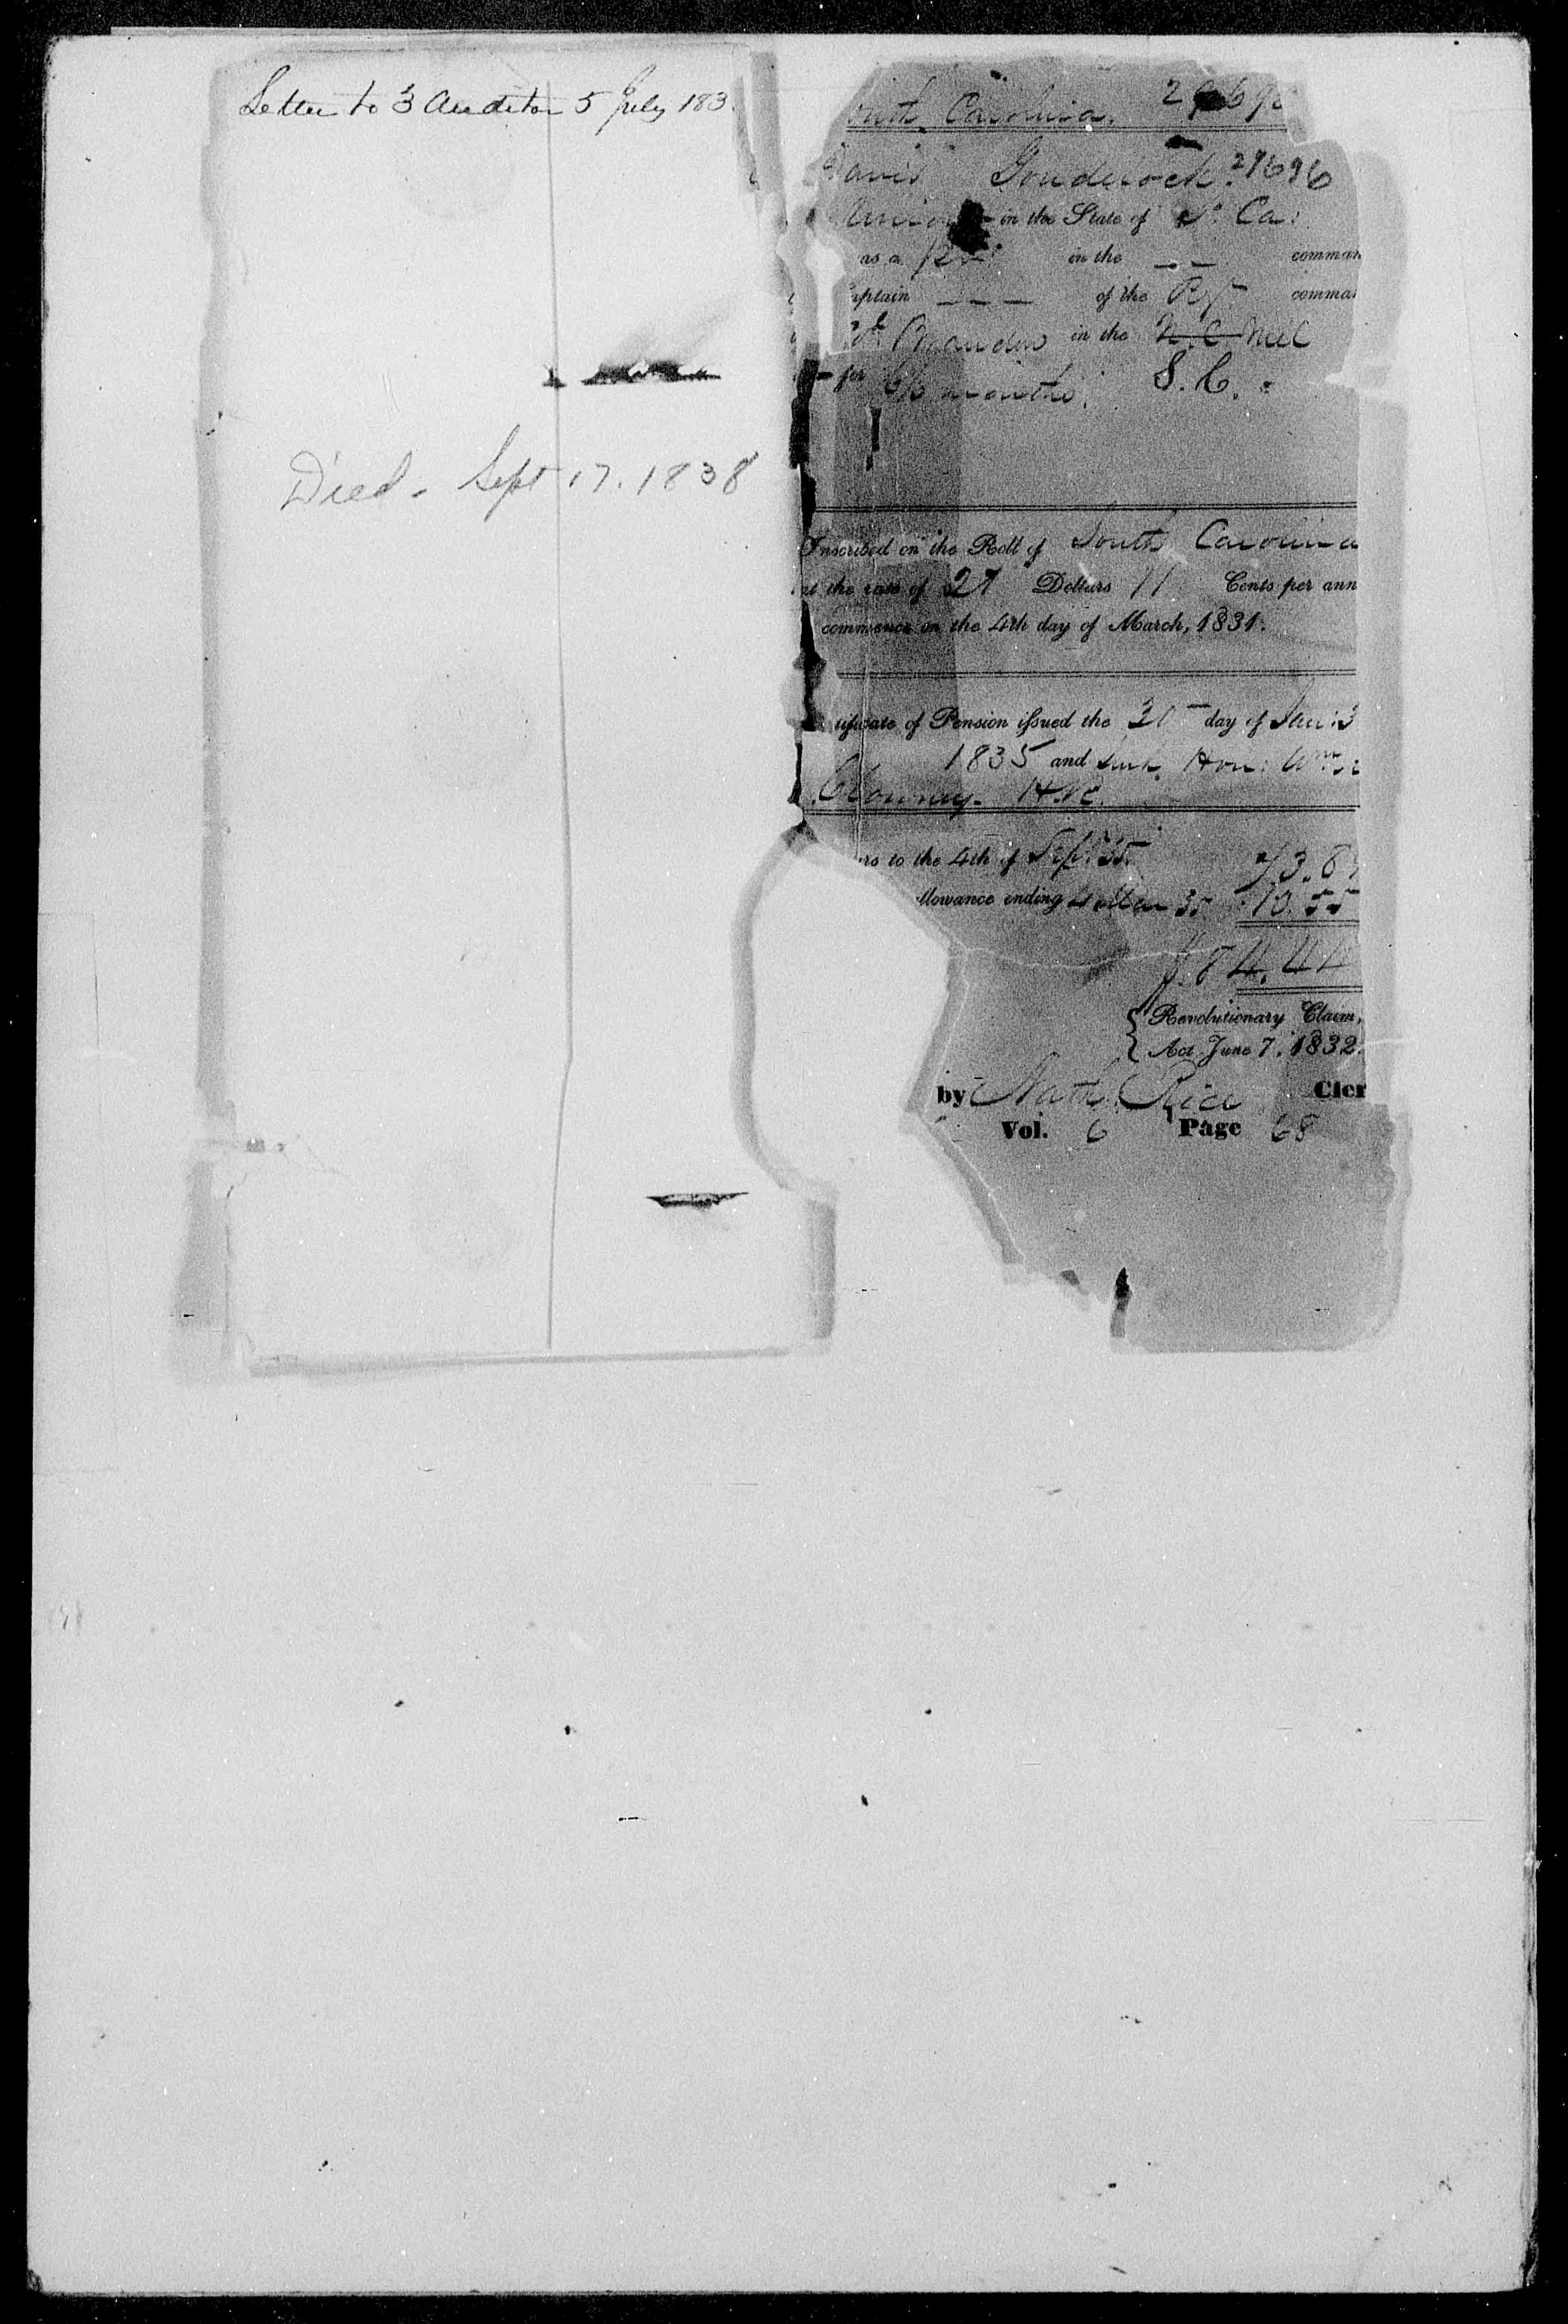Letter to 3 Auditor 5 July 183.
Died Sept 17. 1838
outh Carolina  2969 [remaider of line missing]
Davis Goudelock  29696
Senior in the State of So Ca
as a Pvt in the -- comman [remainder of word missing]
Captain --- of the Regt comma [remainder of word missing]
Col. Brandon in the S. C. Mil
for 16 months
Inscribed on the Roll of South Carolina
at the rate of 21 Dollars 11 Cents per ann [remainder of word missing]
commence on the 4th day of March 1831.
[beginning of word missing] tificate of Pension issued the 20 day of Jan
1835 and sent Hon Wm. [remainder of line missing]
Clowney. 1 & VC.
to the 4th of Sept 35  73.8 [remainder of line missing]
llowance ending 4 Mar 35  10.55
$ 84.44
{Revolutionary Claim, Act June 7, 1832.}
by Nath. Rice  Cler
Vol. 6  Page 68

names: Wm H Clowney, Brandon, Nath Rice, Davis Goudelock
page: 2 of 18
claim: survivor's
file: S. 21,236, Davis Goudelock, S.C.